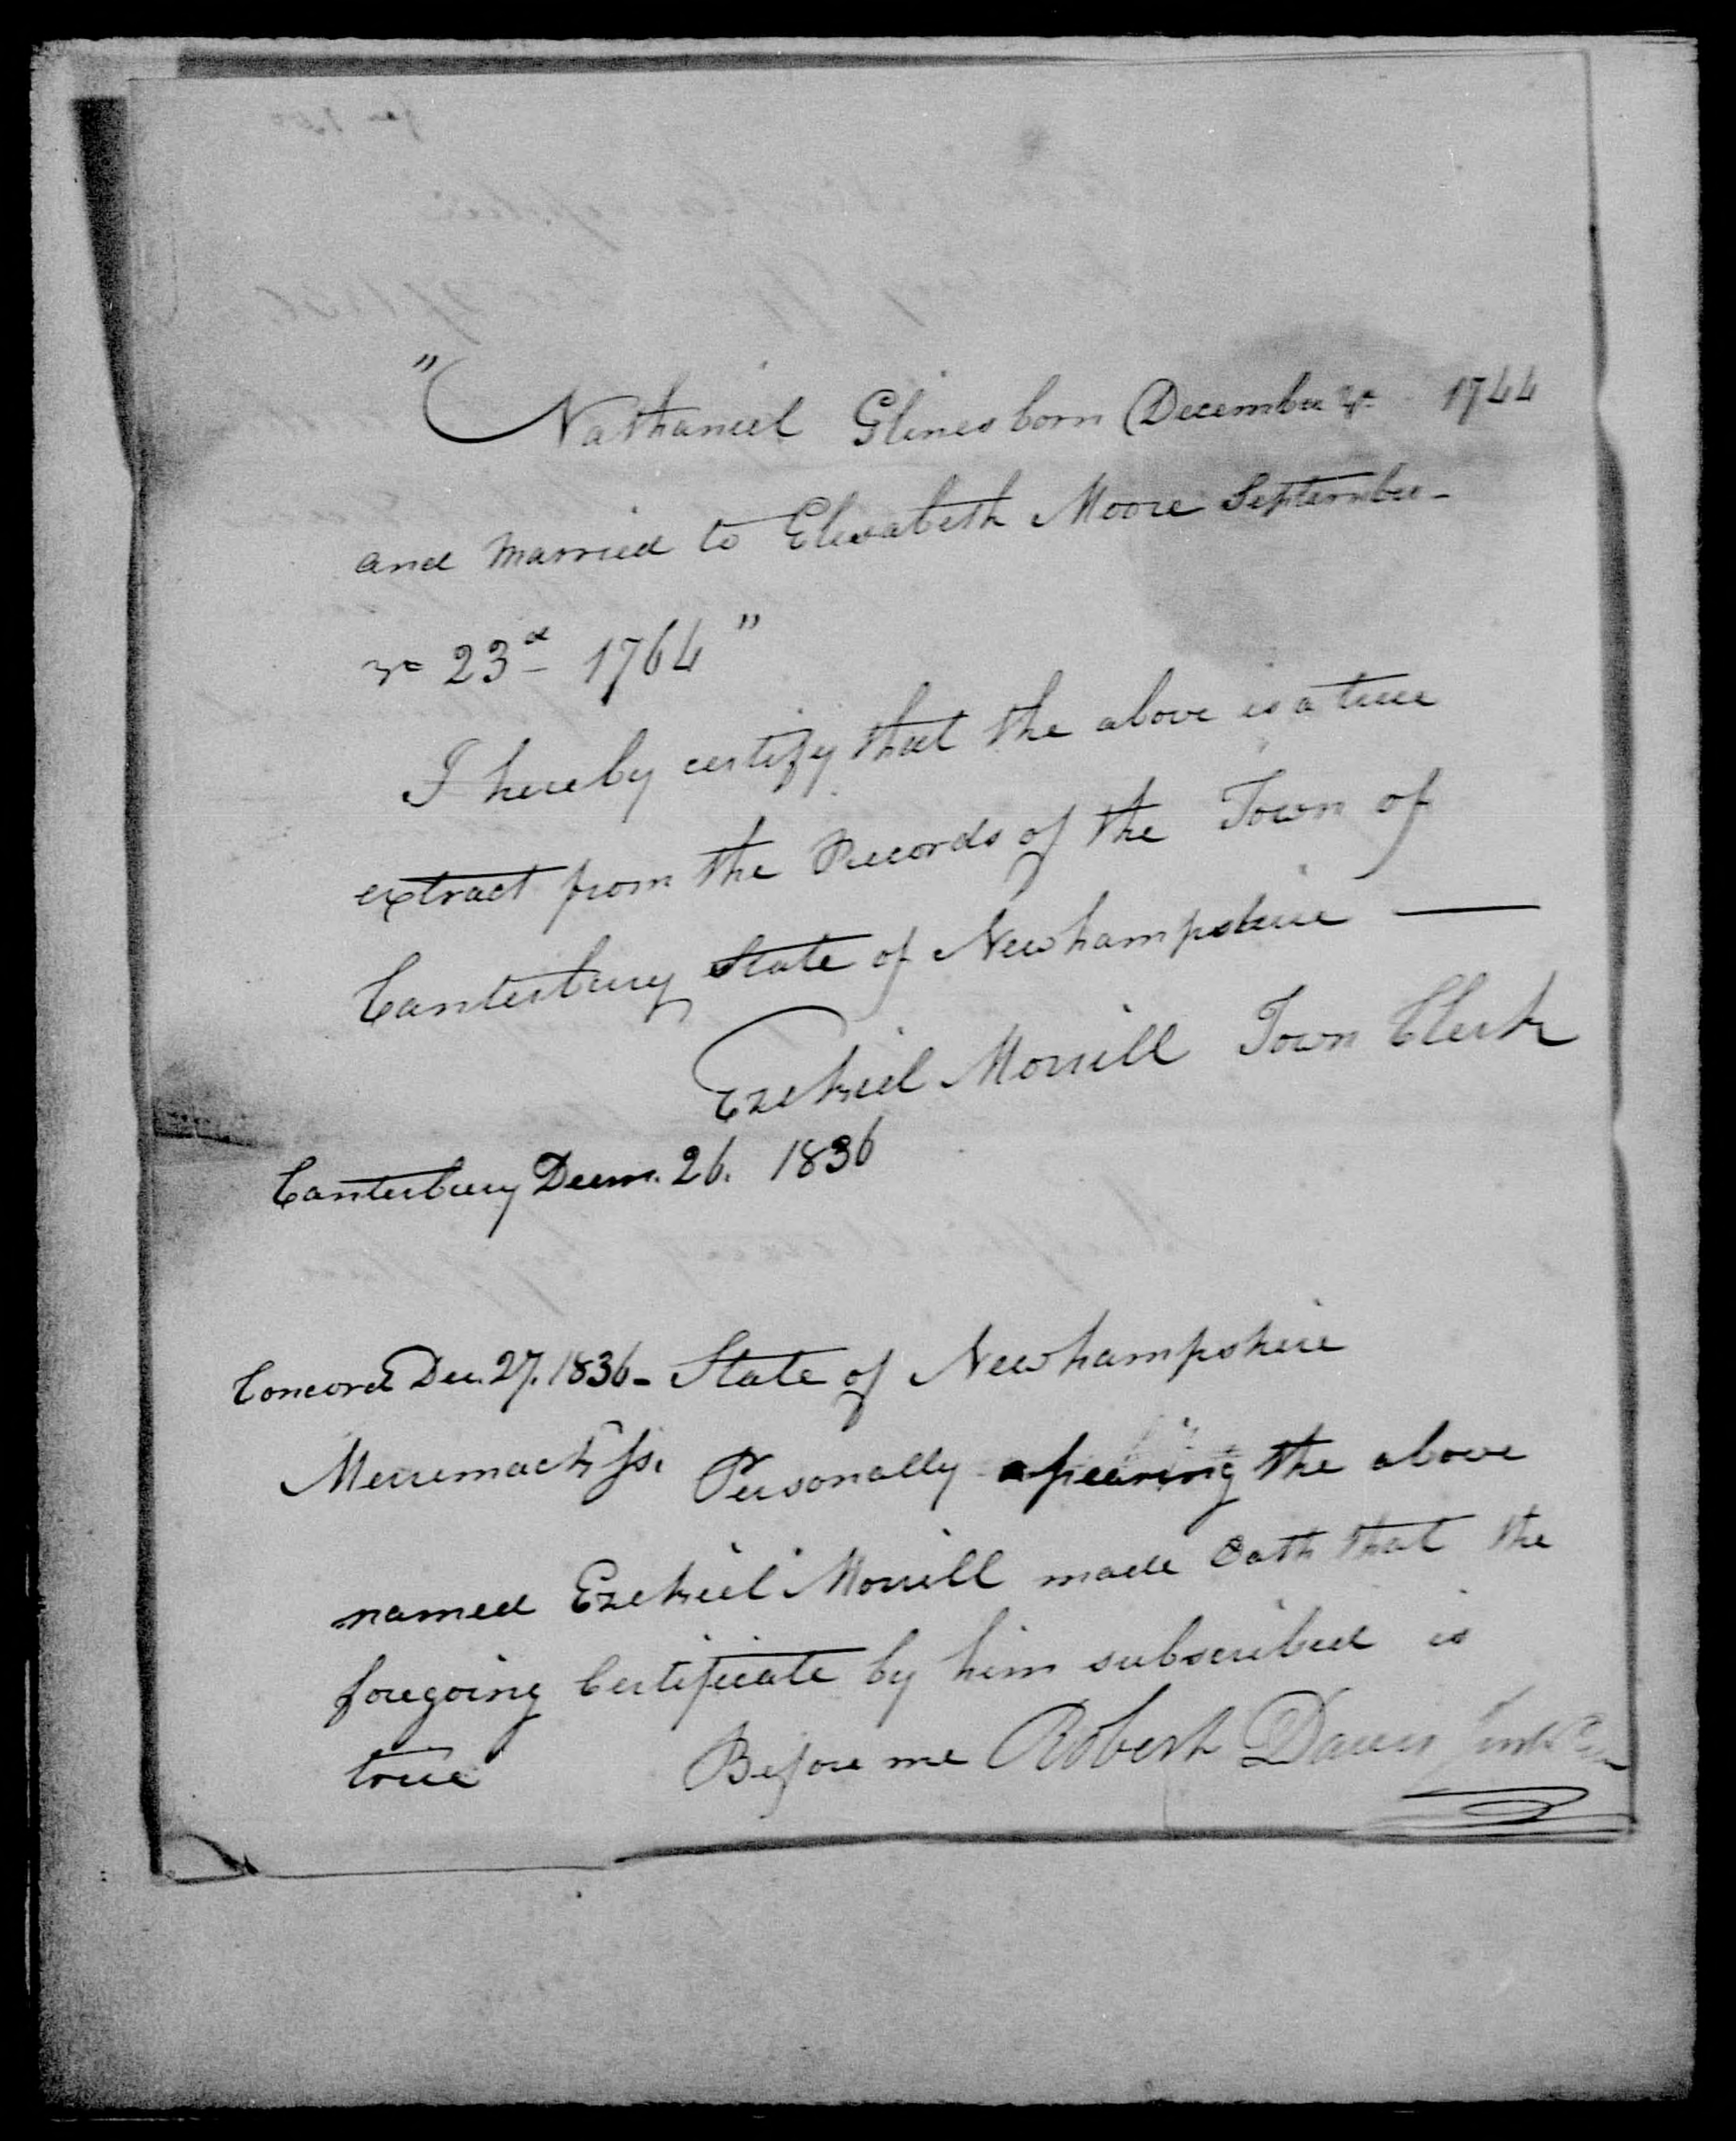"Nathaniel Glines born December 4 1744
and married to Elisabeth Moore September
23d 1764"
I hereby certify that the above is a true
extract from the Records of the Town of Canterbury State of New Hampshire
Ezekiel Morrill Town Clerk
Canterbury Decem. 26 1836
Concord Dec. 27, 1836 - State of New Hampshire
Merrimack Ss.
Personally apearing [sic] the above
named Ezekiel Morrill made oath that the 
foregoing certificate by him subscribed is
true
Before me Robert Davis Justice Peace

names: Ezekiel Morrill, Nathaniel Glines, Robert Davis, Elisabeth Moore, Ezekiel Morrill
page: 4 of 29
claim: widow's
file: W. 24,282, Nathaniel Glines, N.H.